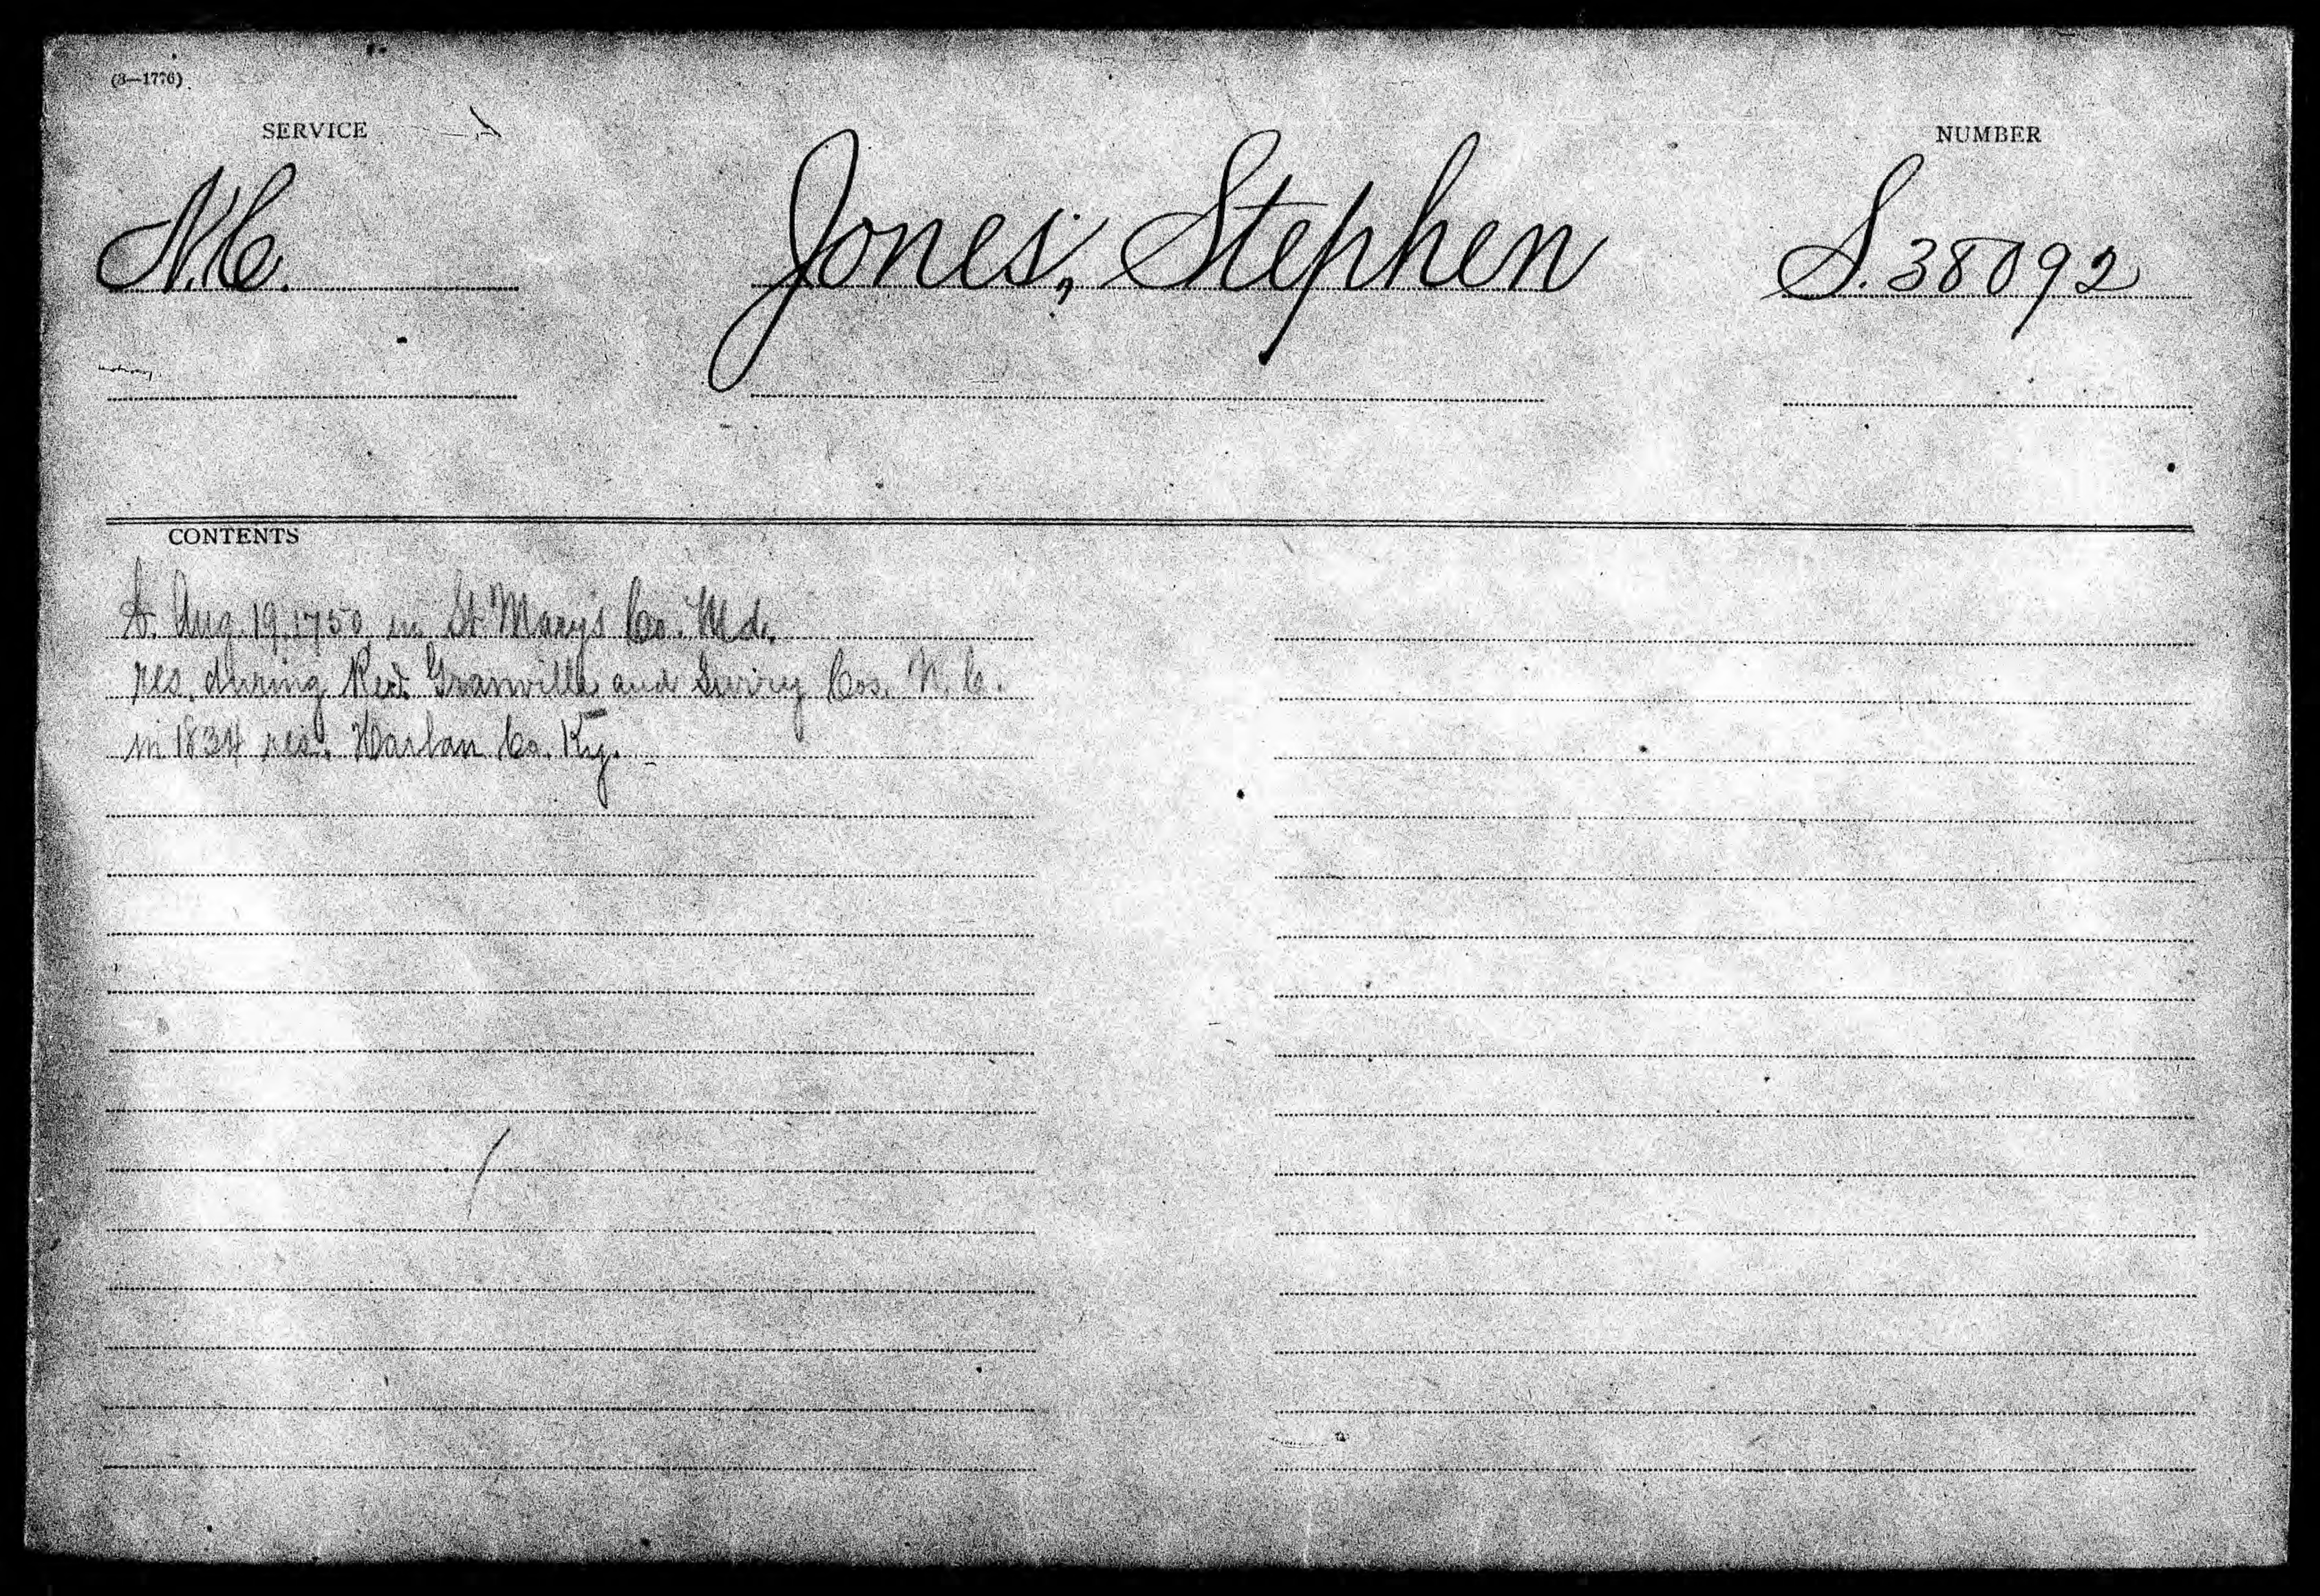(3-1776)

SERVICE
N.C.

Jones, Stephen

NUMBER
S. 38092

CONTENTS
b. Aug. 19, 1750 in St. Mary's Co. Md.
res. during Rev. Granville and Surry Cos. N.C.
in 1834 res. Harlan Co. Ky.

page: 1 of 17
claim: survivor's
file: S. 38092, for Stephen Jones, North Carolina